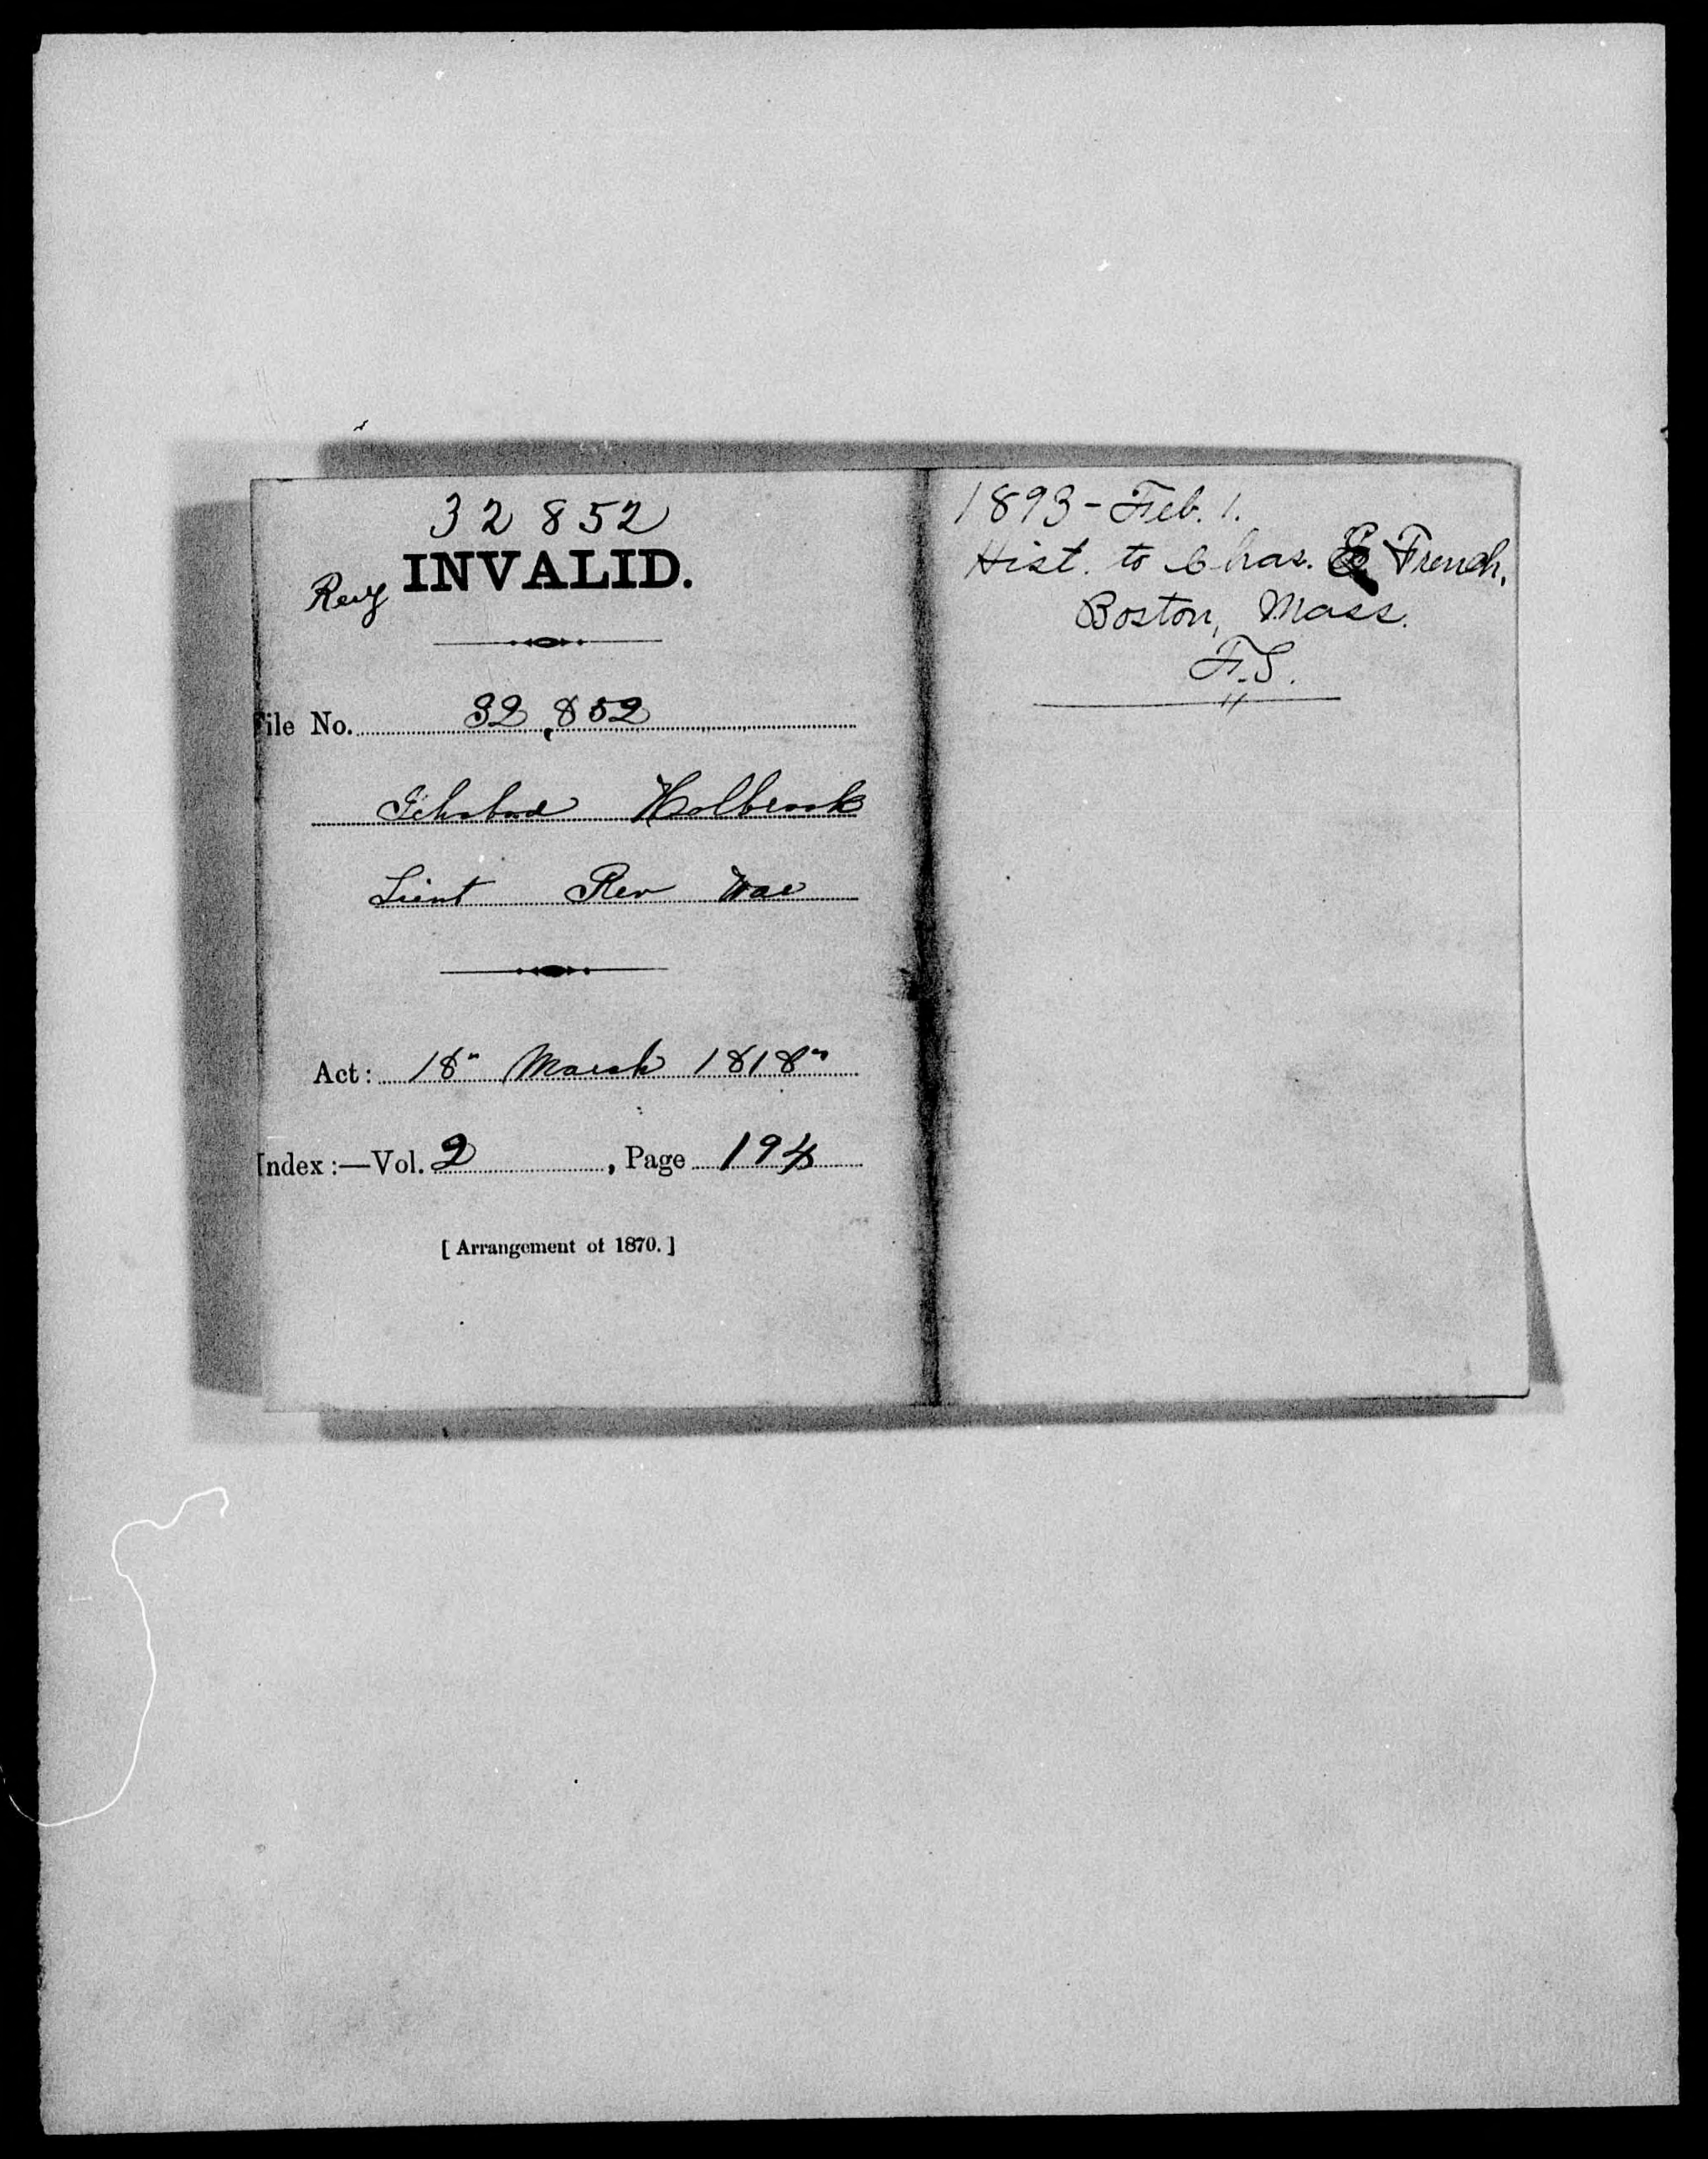[page 1]
32852
Revy INVALID.

File No. 32,802
Ichabod Holbrook
Lieut Rev War

Act 18" March 1818"
Index:—Vol. 2, Page 194

Arrangement of 1870.

[page 2]
1893 – Feb. 1.
Hist. to Chas. E. French,
Boston, Mass.
F. S.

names: Ichabod Holbrook, Chas E French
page: 13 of 15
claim: survivor's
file: S. 32,852, Ichabod Holbrook, Continental Mass.